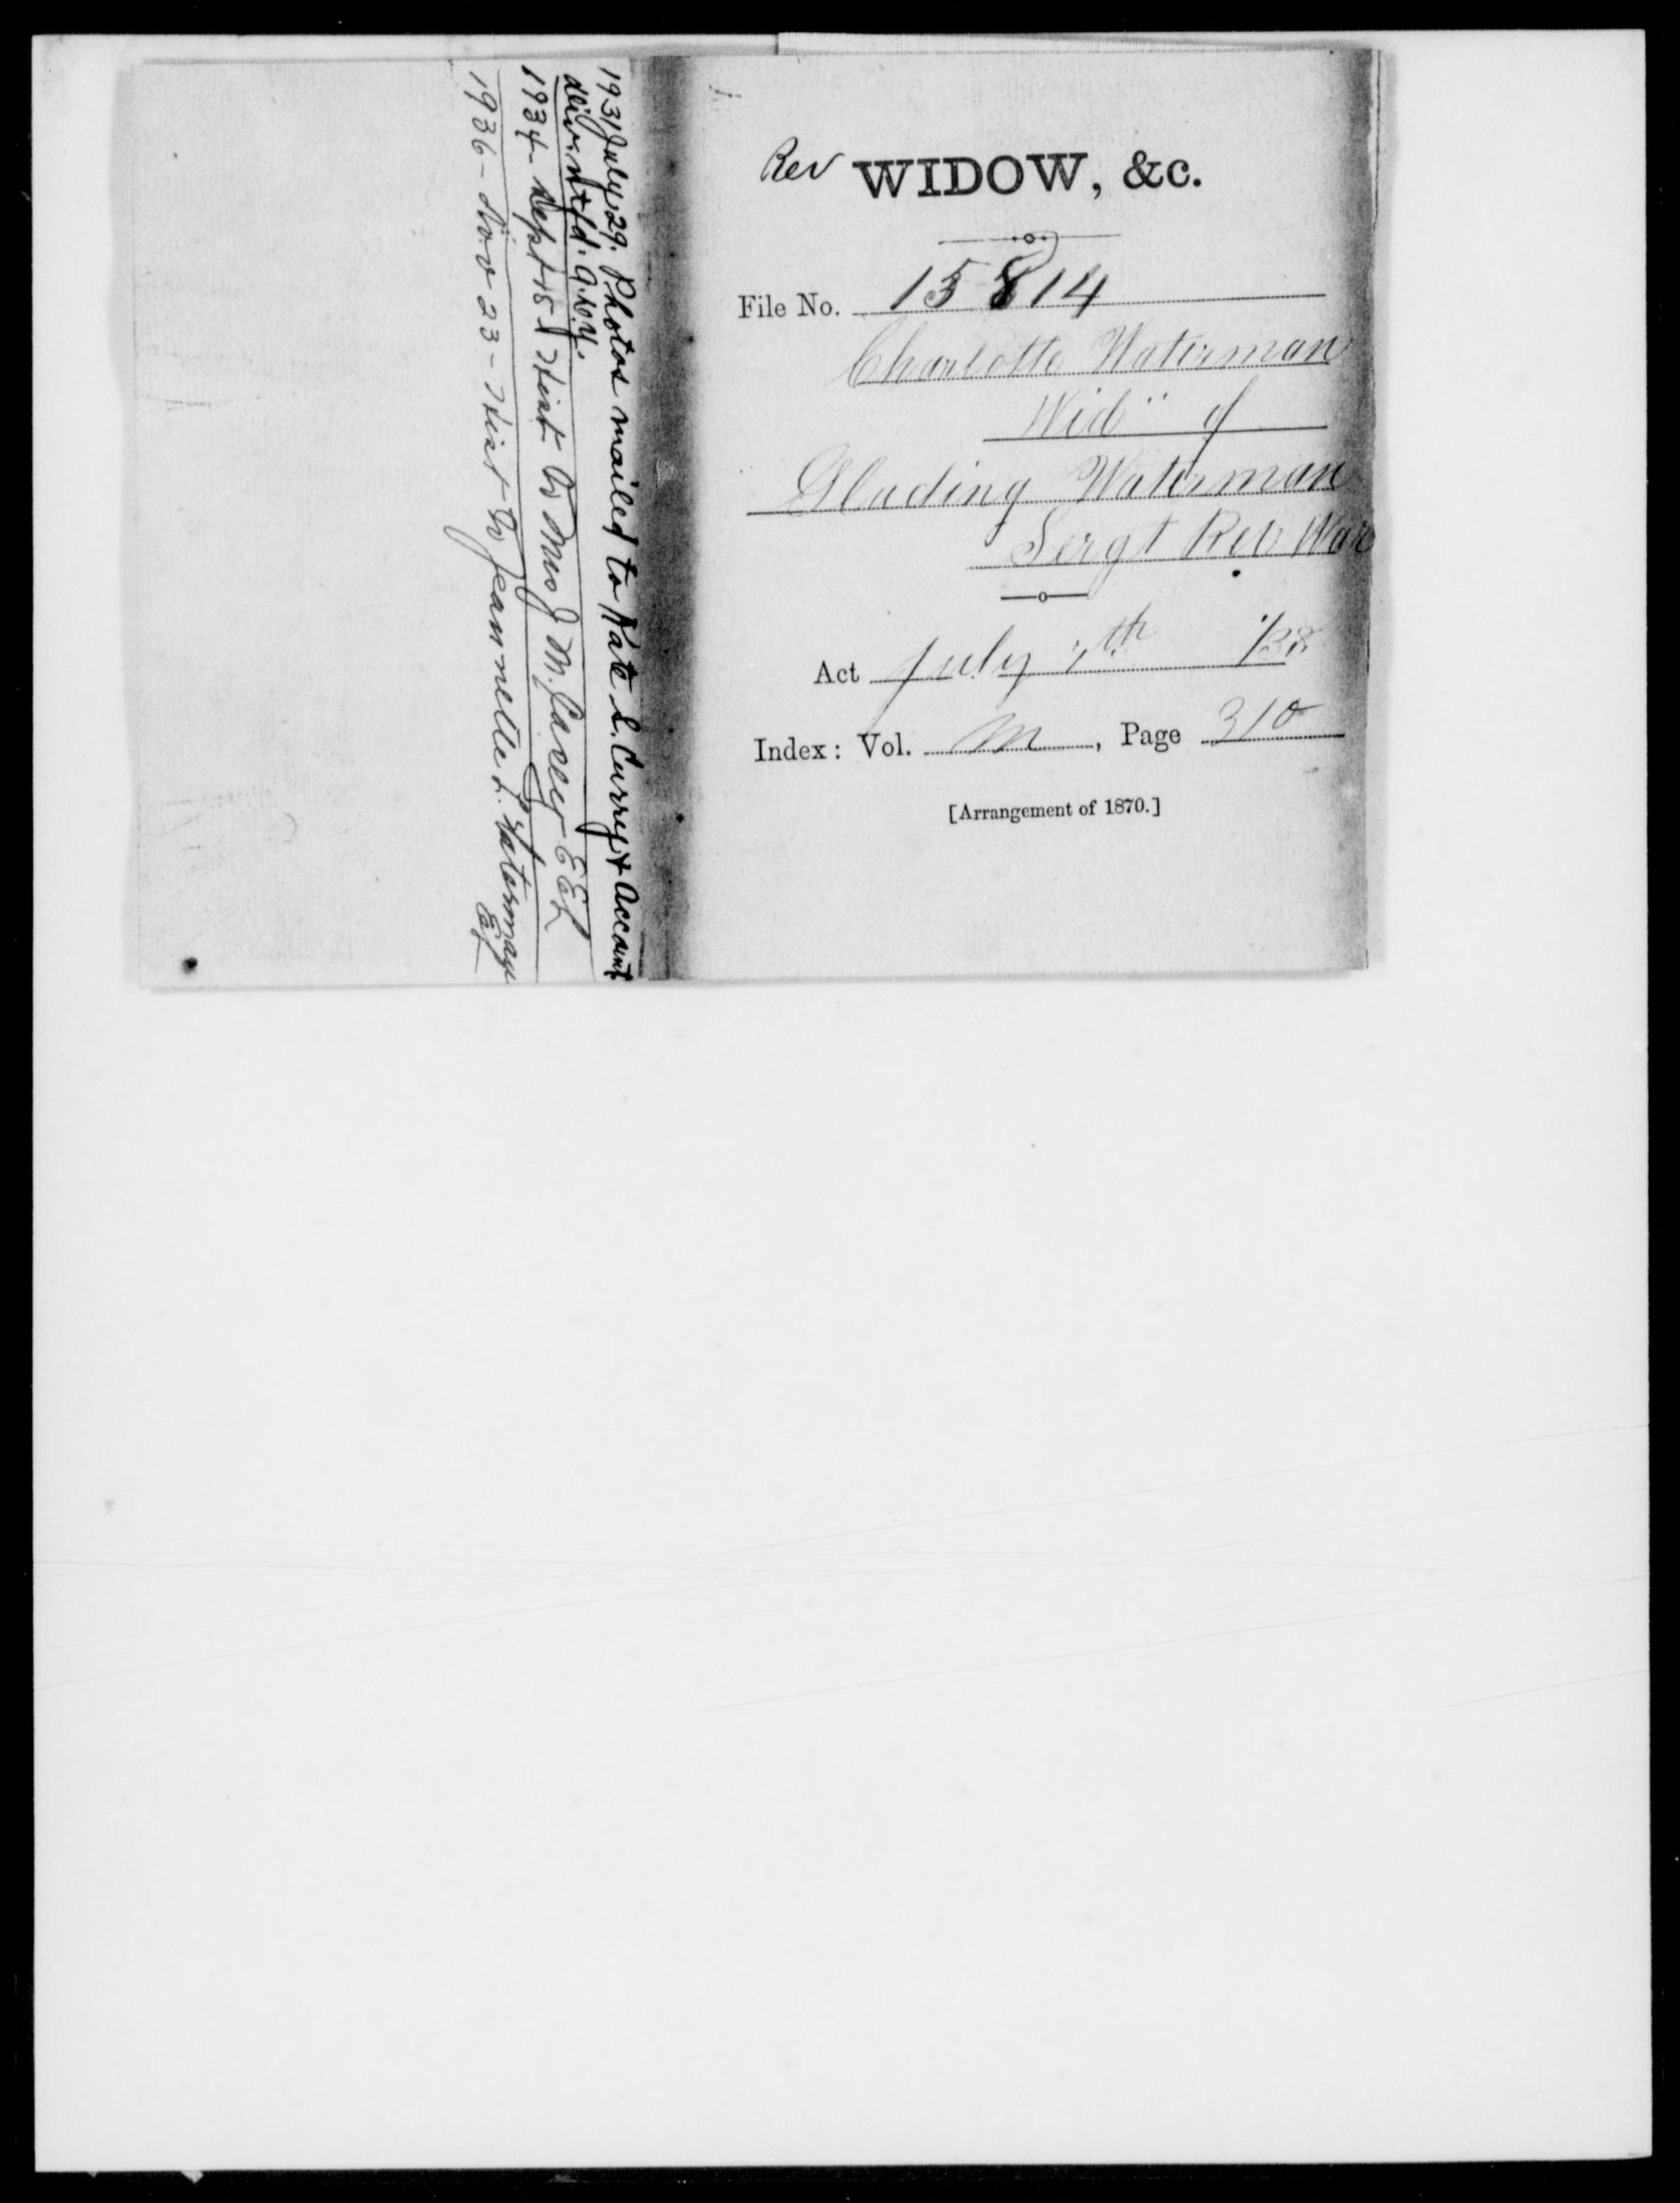Rev  WIDOW, &c.
--------------------
File no. 15814
Charlotte Waterman
Wid of 
Glading Waterman
Segt Rev War
-------

Act July 7th '/38
Index:  Vol.  M,   Page 310

{Arrangement of 1870}

(Side ways on left side)
1931 July 29. Photos mailed to Kate S. Curry & Account[    ]. [   ]. A. D. Y.
--------------------------------------------------
1934 - Copies 5 - 3 list to Mrs. J M Casey -EEL
---------------------------------------------------
1936 - Nov 23 - 7 list to Jeannette L. Waterman             EL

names: Charlotte Waterman, J M Casey, Kate S Curry, Glading Waterman, Jeannette I Waterman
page: 40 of 50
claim: widow's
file: W. 15814, Glading Waterman, Conn. Conn. Sea Service Continental